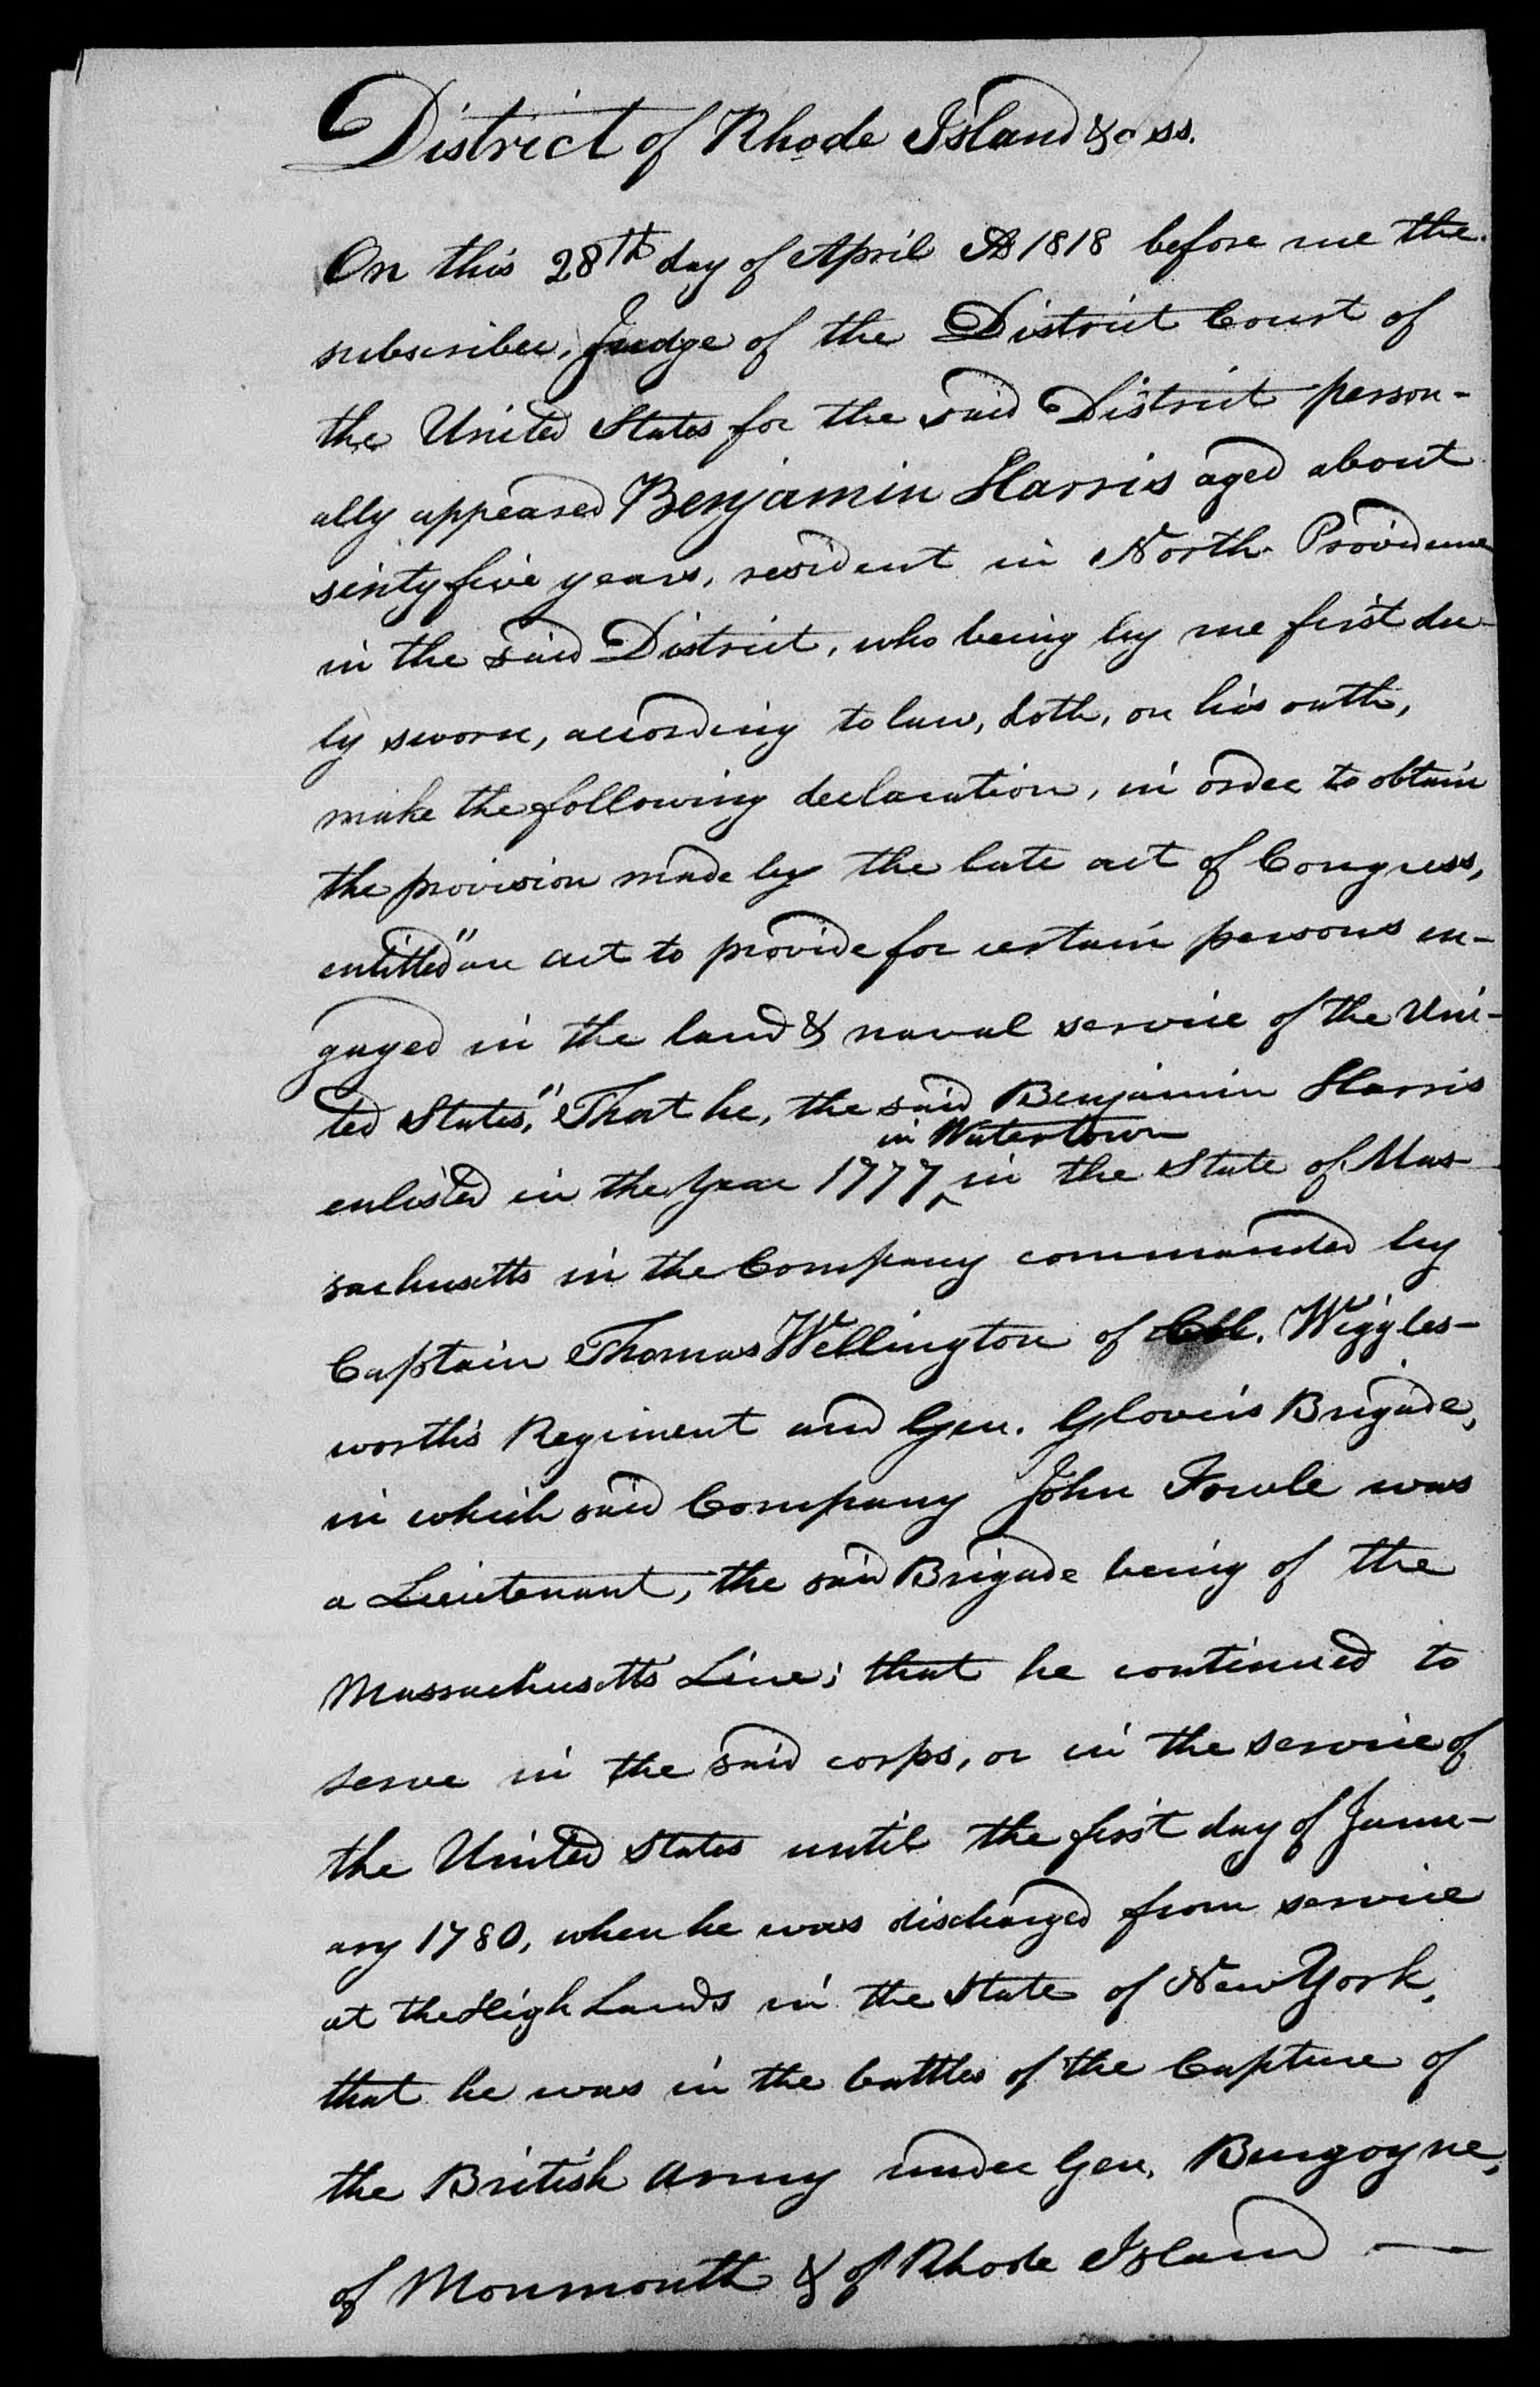District of Rhode Island &c.ss

On this 28th day of April AD 1818 before me the
subscriber, Judge of the District Court of
the United States for the said District person
ally appeared Benjamin Harris aged about
sixty five years, resident in North Providence
in the said District, who being by me first duly
sworn, according to law, doth, on his oath,
make the following declaration, in order to obtain
the provision made by the late act of Congress,
entitled "an act to provide for certain persons engaged
in the land & naval service of the United 
States," That he, the said Benjamin Harris
enlisted in the year 1777 ^in Watertown in the State of
Massachusetts in the company commanded by
Captain Thomas Wellington of Col. Wigglesworth's 
Regiment and Gen. Glovers Brigade,
in which said Company John Fowle was
a Lieutenant, the said Brigade being of the
Massachusetts Line; that he continued to
serve in the said corps, or in the service of
the United States until the first day of January
1780, when he was discharged from service
at the Highlands in the State of New York
that he was in the battles of the Capture of
the British army under Gen. Burgoyne
of Monmouth & of Rhode Island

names: Benjamin Harris, John Fowle, Benjamin Harris, Thomas Wellington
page: 4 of 62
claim: survivor's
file: S. 38816, Benjamin Harris, Mass.